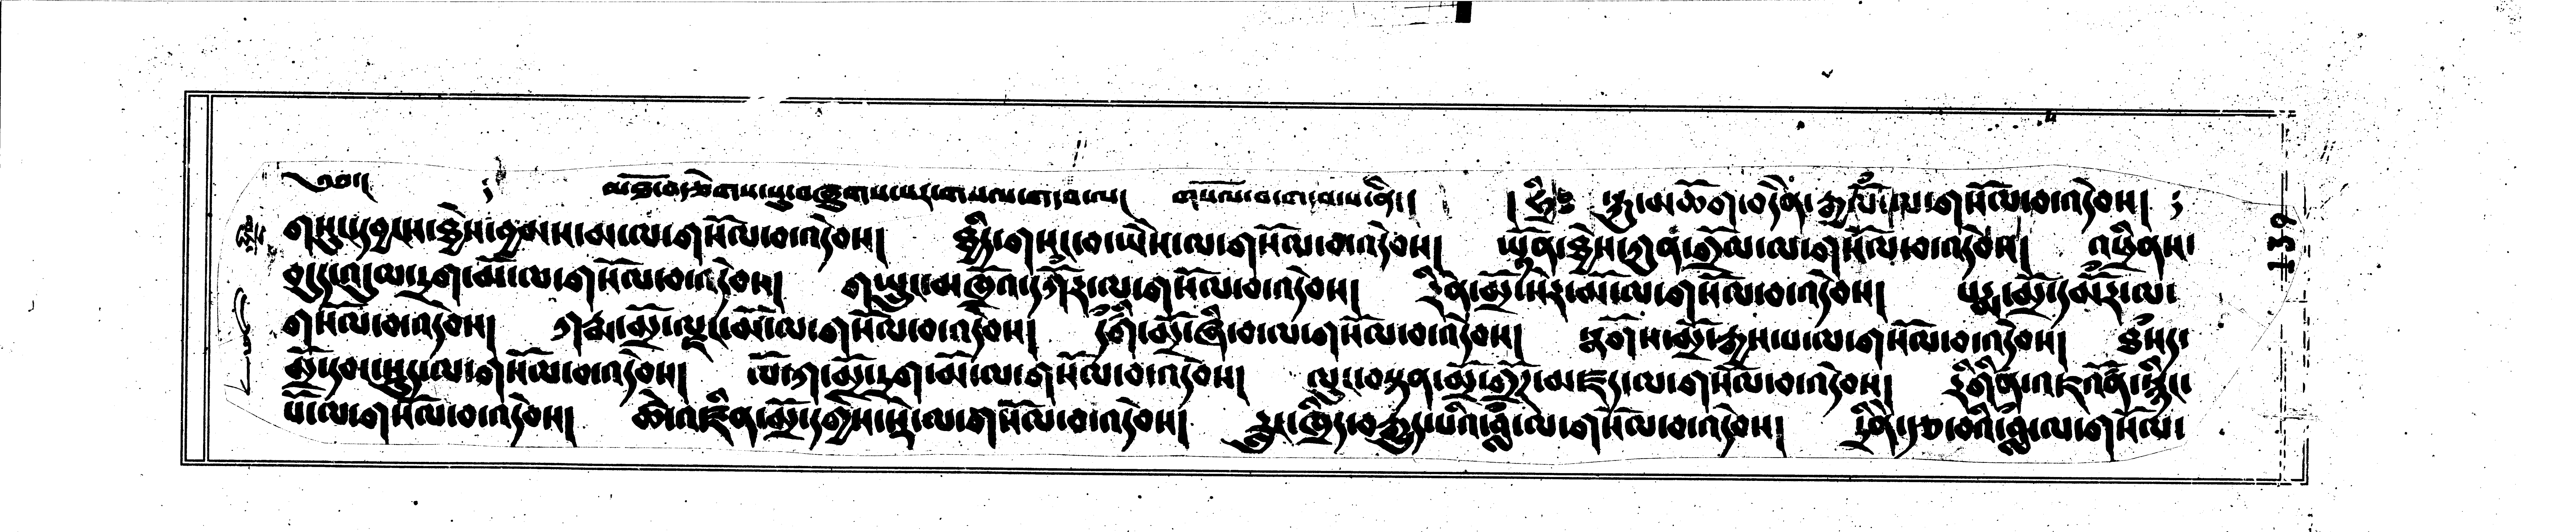མཐོ་བརྩེགས་སུ་བཞུགས་པར་གསལ་གདབ་ལ། གསོལ་བ་གདབ་པ་ནི། ཧྲིཿ སྐུ་མཆོག་བདེ་ཆེན་རྒྱལ་མོ་ལ་གསོལ་བ་འདེབས།
གསུང་དབྱངས་ཐུགས་རྗེ་བྱམས་མ་ལ་གསོལ་བ་འདེབས། །ཐུགས་ཉིད་གསང་བ་ཡེ་ཤེས་ལ་གསོལ་བ་འདེབས། །ཡོན་ཏན་ཐུགས་རྗེ་ཀུན་སྒྲོལ་ལ་གསོལ་བ་འདེབས། །འཕྲིན་ལས
་བདུད་འདུལ་དྲག་མོ་ལ་གསོལ་བ་འདེབས། །གཡུང་དྲུང་མཁའ་འགྲོ་དཀར་མོ་ལ་གསོལ་བ་འདེབས། །རིན་ཆེན་མཁའ་འགྲོ་སེར་མོ་ལ་གསོལ་བ་འདེབས། །པདྨ་མཁའ་འགྲོ་དམར་མོ་ལ་
གསོལ་བ་འདེབས། །ཀརྨ་མཁའ་འགྲོ་ལྗང་མོ་ལ་གསོལ་བ་འདེབས། །དམ་ཚིག་མཁའ་འགྲོ་ཞི་བ་ལ་གསོལ་བ་འདེབས། །སྣ་ཚོགས་མཁའ་འགྲོ་རྒྱས་པ་ལ་གསོལ་བ་འདེབས ཐམས
འགྲོ་དབང་སྡུད་ལ་གསོལ་བ་འདེབས། །ལོ་ཀ་མཁའ་འགྲོ་དྲག་མོ་ལ་གསོལ་བ་འདེབས། །ལུང་བསྟན་མཁའ་འགྲོ་གྲོགས་མཛད་ལ་གསོལ་བ་འདེབས། །རིག་འཛིན་འཇའ་ཚོན་སྙིང་
པོ་ལ་གསོལ་བ་འདེབས། །ཚེ་འཛིན་མཁའ་འགྲོ་དགྱེས་སྡེ་ལ་གསོལ་བ་འདེབས། །རླུང་ཁྲིད་རྒྱུད་པའི་བླ་མ་ལ་གསོལ་བ་འདེབས། །དྲིན་ཅན་རྩ་བའི་བླ་མ་ལ་གསོལ་